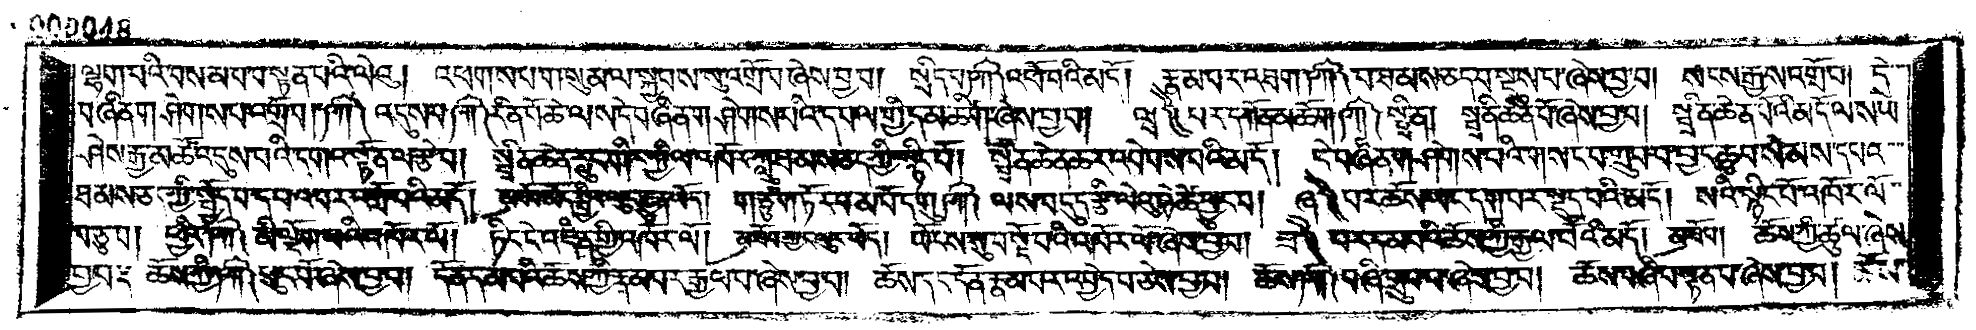ལྷག་པའི་བསམ་པ་བསྟན་པའི་ལེའུ། འཕགས་པ་གསུམ་ལ་སྐྱབས་སུ་འགྲོ་བ་ཞེས་བྱ་བ། སྲིད་པ ༼ཀ༽ འཕོ་བའི་མདོ། རྣམ་པར་འཐག ༼ཀ༽ པ་ཐམས་ཅད་བསྡུས་པ་ཞེས་བྱ་བ། སངས་རྒྱས་འགྲོ་བ། དེ་
བཞིན་གཤེགས་པ་འགྲོ་བ། ༼ཀ༽ འདུས་པ ༼ཀ༽ རིན་པོ་ཆེ་ལས་དེ་བཞིན་གཤེགས་པའི་དཔལ་གྱི་དམ་ཚིག་ཞེས་བྱ་བ། ཝ༼༽ པར་དཀོན་མཆོག ༼ཀ༽ སྤྲིན། སྤྲིན་ཆེན་པོ་ཞེས་བྱ་བ། སྤྲིན་ཆེན་པོའི་མདོ་ལས་ཡེ་
ཤེས་རྒྱ་མཚོ་འདུས་པའི་དགའ་སྟོན་ལ་རྩེ་བ། སྦྲིན་ཆེན་རླུང་གི་དཀྱིལ་འཁོར་ཀླུ་ཐམས་ཅད་ཀྱི་སྙིང་པོ། སྤྲིན་ཆེན་ཆར་འབེབས་པའི་མདོ། དེ་བཞིན་གཤེགས་པའི་གསང་བ་གྲུབ་བ་བྱང་ཆུབ་སེམས་དཔའ་
ཐམས་ཅད་ཀྱི་སྤྱོད་པ་དབ་འབར་འགྲོ་བའི་མདོ་མ་ཐོབ་མོད་སྤྱིར་ལུང་རྒྱུན་ཡོད།  གཙུག་ཏོར་བམ་པོ་དགུ ༼ཀ༽ ལས་བདུད་རྩི་ལེའུ་ཉེ་ཚེ་ཕྱུང་བ། ཞ༼༽ པར་ཆོས་ཡང་དག་པར་སྡུད་པའི་མདོ། སའི་སྙིང་པོ་འཁོར་ལོ་
བཅུ་པ། ཕྱིར ༼ཀ༽ མི་ལྡོག་པའི་འཁོར་ལོ། ཏིང་ངེ་འཛིན་གྱི་འཁོར་ལོ་མ་ཐོབ་ཀྱང་ལུང་ཡོད།  ཡོངས་སུ་བསྡོ་བའི་འཁོར་ལོ་ཞེས་བྱ་བ། ཟ༼༽ པར་དམ་པའི་ཆོས་ཀྱི་རྒྱལ་པོའི་མདོ་མ་པྠོབ།  ཆོས་ཀྱི་ཚུལ་ཞེས་
བྱ་བ༑ ཆོས་ཀྱི ༼ཀ༽ ཕུང་པོ་ཞེས་བྱ་བ། དོན་དམ་པའི་ཆོས་ཀྱི་རྣམ་པར་རྒྱལ་པ་ཞེས་བྱ་བ། ཆོས་དང་དོན་རྣམ་པར་འབྱེད་པ་ཅེས་བྱ་བ། ཆོས ༼ཀ༽ བཞི་གྲུབ་པ་ཞེས་བྱ་བ། ཆོས་བཞི་བསྟན་པ་ཞེས་བྱ་བ། ཆོས་